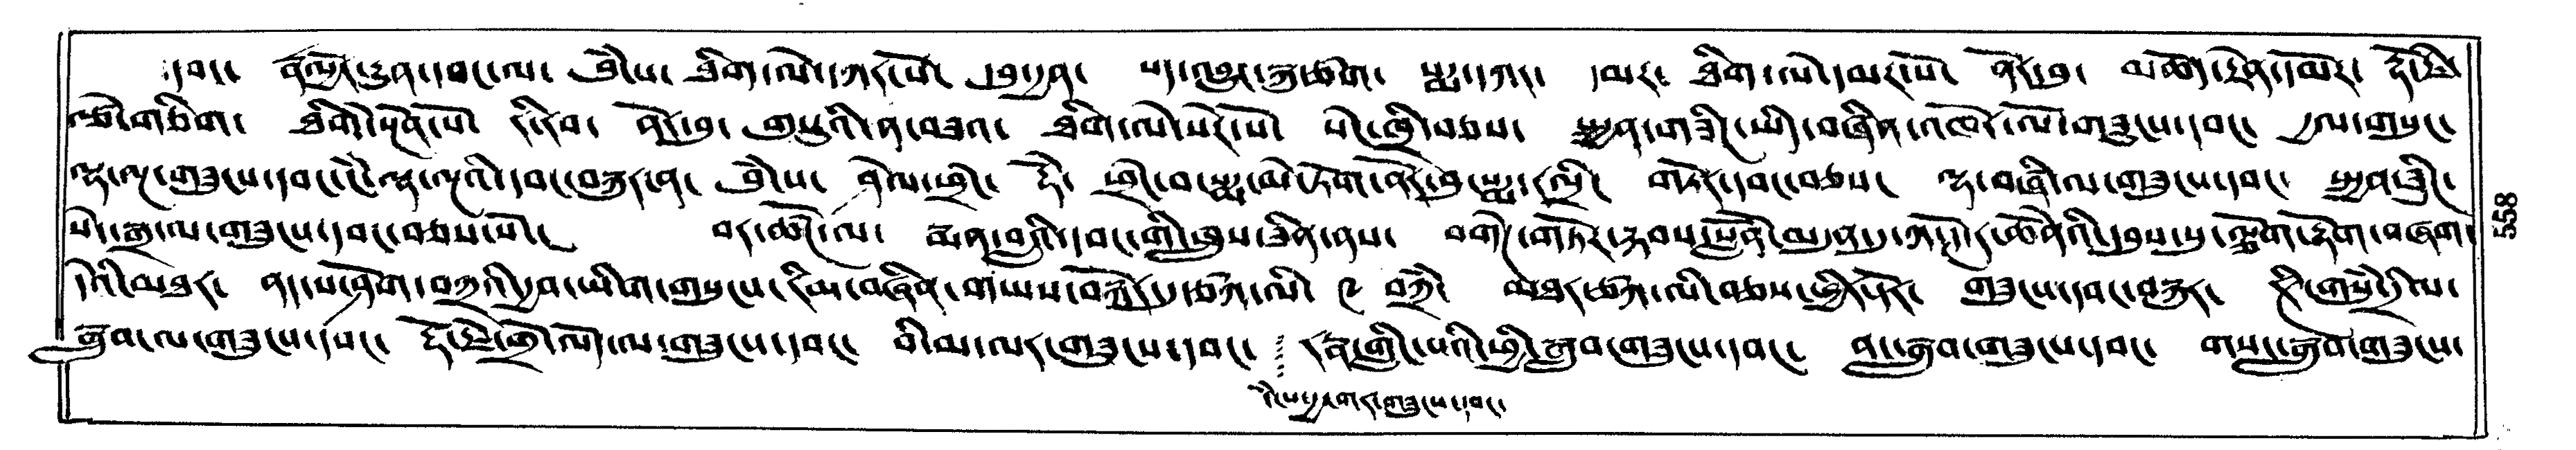དབང་། རྣལ་འབྱོར་རྒྱུན་དབང་ལ། བུམ་པ། ཐིག་ལེ་དཀར་པོ། དབུ་རྒྱན། པད་འབྱུང་སྐུ་ཙག། པདྨ་དཀར་དམར། ཐིག་ལེ་དམར་པོ། ནོར་བུ། མཆོད་རྟེན་དམར་པོ། རྡོ་རྗེ་
རྩེ་གཅིག ཐིག་ལེ་སྔོན་པོ། རི་རབ། ནོར་བུ། གུ་རུའི་ན་བཟའ། ཐིག་ལེ་སེར་པོ། སེང་ཁྲི་བཅས། སྤྱན་གཟིགས་ཡིད་བཞིན་འཁོར་ལོའི་གཟུངས་དབང་། རྒྱལ་གསུང་
ལྷ་ལྔ་གཟུངས་དབང་ངམ་ལྷ་ལྔའི་དབང་བསྐུར་ན། བུམ་པ། ཤེལ་ཕྲེང་། རྡོ་རྗེ། ཕྲེང་བ། པདྨ། མེ་ཏོག།ནོར་བུ། པདྨ། རལ་གྲི། གཏོར་དབང་བཅས། ལྷ་བཞི་ལ་གཟུངས་དབང་། སྤྱན་གཟིགས་
སེང་སྒྲ་ལ་གཟུངས་དབང་བཅས་སོ། བར་ཚོགས་ལ། སྨན་བླའི་དབང་གི་ཁྲུས་ཟིན་ནས། བགེགས་གཏོར་སྐབས་སློབ་དཔོན་མདུན་དུ་ཀ་ཏོར་ཆེན་པོའི་དབུས་སུ་ལྕོག་རྡོག་བཞག 
དེའི་མཐར། ནད་པ་ཤོག་བཀྲའི་རྒྱབ་ཡིག་གསུངས་རིམ་བཞིན་གཡས་བསྒོར་དུ་ཙཀ་ལི་དགུ་བཀྲམ། མཐར་ཙཀ་ལི་བཅས་ཕྱིར་དོར། གཟུངས་དབང་བསྐུར། རིགས་གསུམ་དྲིལ་
སྒྲུབ་ལ་གཟུངས་དབང་། རྡོ་རྗེ་ལོད་ལ་གཟུངས་དབང་། བི་མ་ལར་གཟུངས་དབང་། དམ་པ་རྒྱ་གར་གཟུངས་དབང་། རཏྣ་གླིང་པའི་ཕྱི་སྒྲུབ་གཟུངས་དབང་། ནད་སྒྲུབ་གཟུངས་དབང་། གསང་སྒྲུབ་གཟུངས་